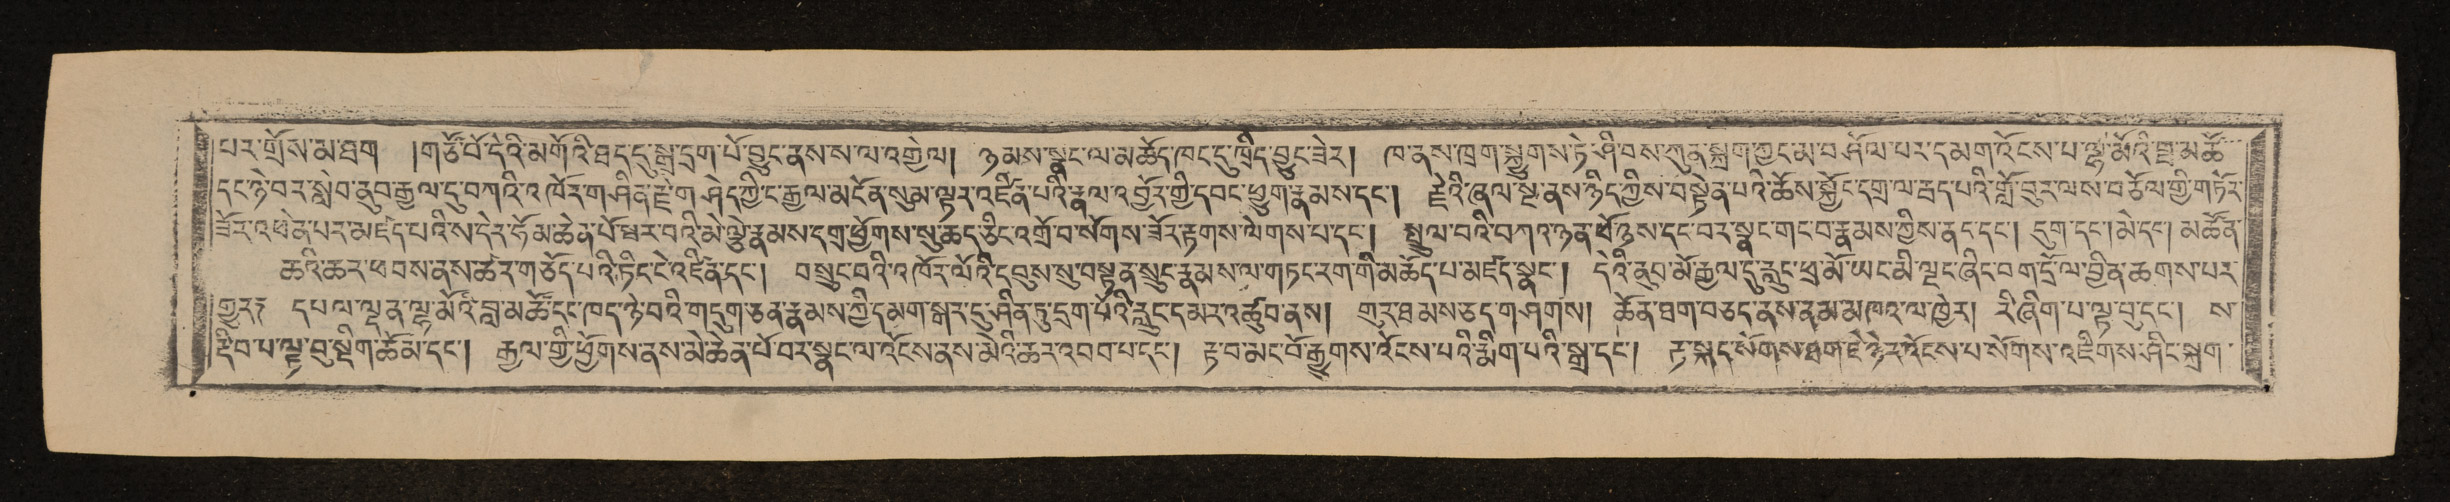པར་གྲོས་མ་ཐག །གཙོ་བོ་དེའི་མགོའི་ཐང་དུ་སྒྲ་དྲག་པོ་བྱུང་ནས་ས་ལ་འགྱེལ། ཉམས་སྣང་ལ་མཆོད་ཁང་དུ་ཁྲིད་བྱུང་ཟེར། ཁ་ནས་ཁྲག་སྐྱུགས་ཏེ་ཤི་བས་ཀུན་སྐྲག་ཀྱང་མ་བཤོལ་པར་དམག་འོངས་པ་ལྷ་མོའི་བླ་མཚོ་
དང་ཉེ་བར་སླེབ་ནུབ་རྒྱལ་དུ་བཀའི་འཁོར་གཤིན་རྗེ་གཤེད་ཀྱི་ང་རྒྱལ་མངོན་སུམ་ལྟར་འཛིན་པའི་རྣལ་འབྱོར་གྱི་དབང་ཕྱུག་རྣམས་དང་། རྫེའི་ཞལ་སྔ་ནས་ཉིད་ཀྱིས་བསྟེན་པའི་ཆོས་སྐྱོང་དགྲ་ལ་རྦད་པའི་གློ་བུར་ལས་བཅོལ་གྱི་གཏོར་
ཟོར་འཕེན་པར་མཛད་པའི་ས་དེར་ཧོམ་ཆེན་པོ་སྦར་བའི་མེ་ལྕེ་རྣམས་དགྲ་ཕྱོགས་སུ་ཆད་ཅིང་འགྲོ་བ་སོགས་ཟོར་རྟགས་ལེགས་པ་དང་། སྤྲུལ་པའི་བཀའ་ཉན་ཕོ་ཉས་དང་བར་སྣང་གང་བ་རྣམས་ཀྱིས་ནང་དང་། དུག་དང་། མེ་དང་།
མཚོན་ཆའི་ཆར་ཕབས་ནས་ཚར་གཅོད་པའི་ཏིང་ངེ་འཛིན་དང་། བསྲུང་བའི་འཁོར་ལོའི་དབུས་སུ་བསྟན་སྲུང་རྣམས་ལ་གཏང་རག་གི་མཆོད་པ་མཛད་སྣང་། དེའི་ནུབ་མོ་རྒྱལ་དུ་རླུང་ཕྲ་མོ་ཡང་མི་ལྡང་ཞིང་བག་དྲོལ་བྱིན་ཆགས་པར་
གྱུར༑ དཔལ་ལྡན་ལྷ་མོའི་བླ་མཆོ་དང་ཁང་ཉེ་བའི་གདུག་ཅན་རྣམས་ཀྱི་དམག་སྒར་དུ་ཤིན་ཏུ་དྲག་པོའི་རླུང་དམར་འཚུབ་ནས། གུར་ཐམས་ཅད་གཤགས། ཚོན་ཐག་བཅད་ནས་ནམ་མཁའ་ལ་ཁྱེར། རི་ཞིག་པ་ལྟ་བུ་དང་། ས་
རྡིབ་པ་ལྟ་བུ་སྡིག་ཆོམ་དང་། རྒྱལ་གྱི་ཕྱོགས་ནས་མེ་ཆེན་པོ་བར་སྣང་ལ་འོངས་ནས་མེའི་ཆར་འབབ་པ་དང་། རྟ་བ་མང་པོ་རྒྱུགས་འོངས་པའི་རྨིག་པའི་སྒྲ་དང་། རྟ་སྐད་སོགས་ཐག་ཇེ་ཉེར་འོངས་པ་སོགས་འཇིགས་ཤིང་སྐྲག་